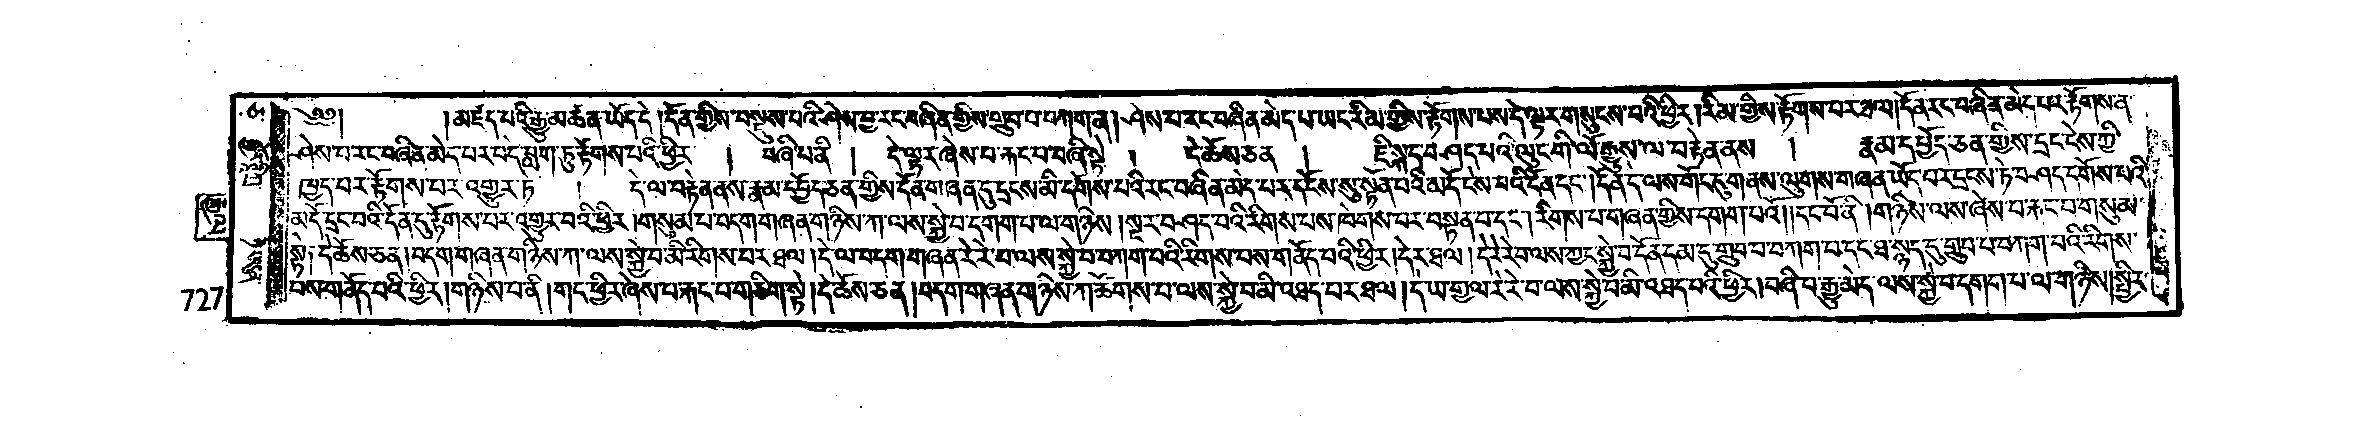༄༅། །མཛད་པའི་རྒྱུ་མཚན་ཡོད་དེ། །དོན་གྱིས་བསྡུས་པའི་ཤེས་བྱ་རང་བཞིན་གྱིས་གྲུབ་པ་བཀག་ན། ཤེས་པ་རང་བཞིན་མེད་པ་ཡང་རིམ་གྱིས་རྟོགས་པས་དེ་ལྟར་གསུངས་པའི་ཕྱིར། རིམ་གྱིས་རྟོགས་པར་ཐལ། དོན་རང་བཞིན་མེད་པར་རྟོགས་ན་
ཤེས་པ་རང་བཞིན་མེད་པར་བདེ་བླག་ཏུ་རྟོགས་པའི་ཕྱིར། བཞི་པ་ནི། དེ་ལྟར་ཞེས་པ་རྐང་པ་བཞི་སྟེ། དེ་ཆོས་ཅན། ཇི་སྐད་བཤད་པའི་ལུང་གི་ལོ་རྒྱུས་ལ་བརྟེན་ནས། རྣམ་དཔྱོད་ཅན་གྱིས་དྲང་ངེས་ཀྱི་
ཁྱད་པར་རྟོགས་པར་འགྱུར་ཏེ། དེ་ལ་བརྟེན་ནས་རྣམ་དཔྱོད་ཅན་གྱིས་དོན་གཞན་དུ་དྲངས་མི་དགོས་པའི་རང་བཞིན་མེད་པར་དངོས་སུ་སྟོན་པའི་མདོ་ངེས་པའི་དོན་དང་། དོན་དེ་ལས་གོང་དུ་གནས་ལུགས་གཞན་ཡོད་པར་དྲངས་ཏེ་བཤད་དགོས་པའི་
མདོ་དྲང་བའི་དོན་དུ་རྟོགས་པར་འགྱུར་བའི་ཕྱིར། གསུམ་པ་བདག་གཞན་གཉིས་ཀ་ལས་སྐྱེ་བ་དགག་པ་ལ་གཉིས། སྔར་བཤད་པའི་རིགས་པས་ཁེགས་པར་བསྟན་པ་དང་། རིགས་པ་གཞན་གྱིས་དགག་པའོ། །དང་པོ་ནི། གཉིས་ལས་ཞེས་པ་རྐང་པ་གསུམ་
སྟེ༑ དེ་ཆོས་ཅན། བདག་གཞན་གཉིས་ཀ་ལས་སྐྱེ་བ་མི་རིགས་པར་ཐལ། དེ་ལ་བདག་གཞན་རེ་རེ་བ་ལས་སྐྱེ་བ་བཀག་པའི་རིགས་པས་གནོད་པའི་ཕྱིར། དེར་ཐལ། དེ་རེ་རེ་བ་ལས་ཀྱང་སྐྱེ་བ་དོན་དམ་དུ་གྲུབ་པ་བཀག་པ་དང་ཐ་སྙད་དུ་གྲུབ་པ་བཀག་པའི་རིགས་
པས་གནོད་པའི་ཕྱིར། གཉིས་པ་ནི། གང་ཕྱིར་ཞེས་པ་རྐང་པ་གཅིག་སྟེ། དེ་ཆོས་ཅན། བདག་གཞན་གཉིས་ཀ་ཚོགས་པ་ལས་སྐྱེ་བ་མི་འཐད་པར་ཐལ། དེ་ཡ་གྱལ་རེ་རེ་བ་ལས་སྐྱེ་བ་མི་འཐད་པའི་ཕྱིར། བཞི་པ་རྒྱུ་མེད་ལས་སྐྱེ་བ་དགག་པ་ལ་གཉིས། སྤྱིར་